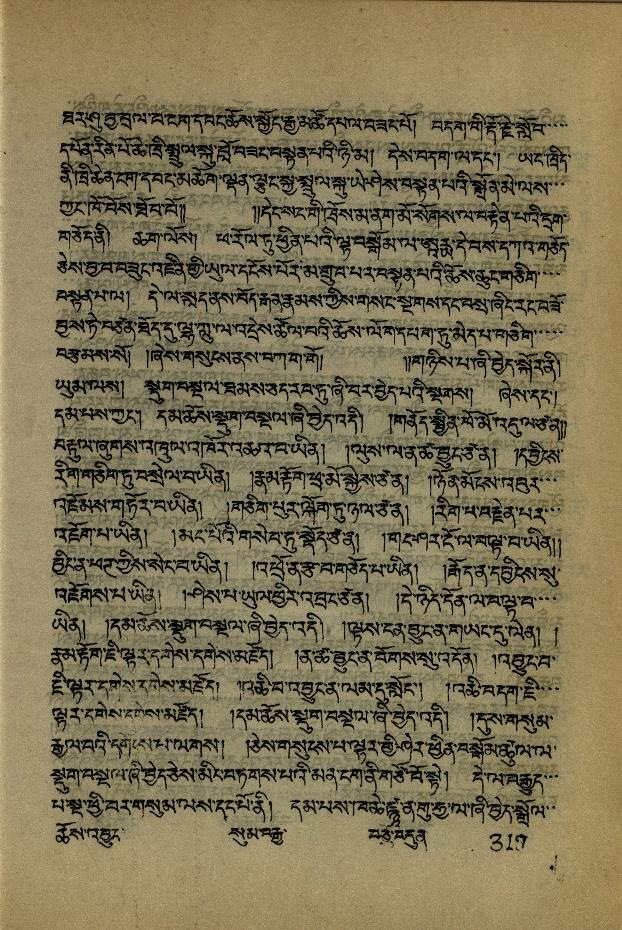ཐར་ཤུ་བྱ་བྲལ་བ་ངག་དབང་ཆོས་སྐྱོང་རྒྱ་མཚོ་དཔལ་བཟང་པོ། བདག་གི་རྡོ་རྗེ་སློབ་
དཔོན་རིན་པོ་ཆེ་ཁྲི་སྤྲུལ་སྐུ་བློ་བཟང་བསྟན་པའི་ཉི་མ། དེས་བདག་ལ་དང་། ཡང་ཁྲིད་
ནི་ཁྲི་ཆེན་ངག་དབང་མཆོག་ལྡན་ལྕང་སྐྱ་སྤྲུལ་སྐུ་ཡེ་ཤེས་བསྟན་པའི་སྒྲོན་མེ་ལས་
ཀྱང་ཁོ་བོས་ཐོབ་བོ།། །།དེང་སང་གི་ཁྲོས་མ་ནག་མོ་སོགས་ལ་བརྟེན་པའི་དྲག་
གཅོད་ནི། ཆག་ལོས། ཕ་རོལ་ཏུ་ཕྱིན་པའི་ལྟ་བསྒོམ་ལ་ཨཱརྱ་དེ་བས་དཀའ་གཅོད་
ཅེས་བྱ་བ་བཟུང་འཛིན་གྱི་ཡུལ་དངོས་པོར་མ་གྲུབ་པར་བསྟན་པའི་ཆོས་ཆུང་གཅིག་
བསྟན་པ་ལ། དེ་ལ་སླད་ནས་བོད་རྒན་རྣམས་ཀྱིས་གསང་སྔགས་དང་བསྲ་ཞིང་རང་བཟོ་
བྱས་ཏེ་བཙན་ཐོད་དུ་ལྷ་ཀླུ་ལ་འདྲེས་ཚོལ་བའི་ཆོས་ལོག་དཔག་ཏུ་མེད་པ་གཅིག་
བརྩམས་སོ། །ཞེས་གསུངས་ནས་བཀག་གོ། །།གཉིས་པ་ཞི་བྱེད་སྐོར་ནི།
ཡུམ་ལས། སྡུག་བསྔལ་ཐམས་ཅད་རབ་ཏུ་ཞི་བར་བྱེད་པའི་སྔགས། ཞེས་དང་།
དམ་པས་ཀྱང་། དམ་ཆོས་སྡུག་བསྔལ་ཞི་བྱེད་འདི། །གནོད་སྦྱིན་ཕོ་མོ་འདུལ་ཙ་ན།།
བརྟུལ་ཞུགས་འཁྲུལ་འཁོར་འཆའ་བ་ཡིན། །ལུས་ལན་ཚ་བྱུང་ཙ་ན། །དབྱིངས་
རིག་གཅིག་ཏུ་བསྲེལ་བ་ཡིན། །རྣམ་རྟོག་ཕྲ་མོ་སྐྱེས་ཙ་ན། །ཉོན་མོངས་འབུར་
འཇོམས་གཏོར་བ་ཡིན། །གཅིག་པུར་ལྐོག་ཏུ་ཉལ་ཙ་ན། །རིག་པ་བརྗེན་པར་
འཇོག་པ་ཡིན། །མང་པོའི་གསེབ་ཏུ་སྡོད་ཙ་ན། །གང་ཤར་ངོ་ལ་བལྟ་བ་ཡིན།།
བྱིང་ན་ཕཊ་ཀྱིས་སེང་བ་ཡིན། །འཕྲོ་ན་རྩ་བ་གཅོད་པ་ཡིན། །རྒོད་ན་དབྱིངས་སུ་
འཇོགས་པ་ཡིན། །ཤེས་པ་ཡུལ་ཕྱིར་འབྲང་ཙ་ན། །དེ་ཉིད་དོན་ལ་བལྟ་བ་
ཡིན། །དམ་ཆོས་སྡུག་བསྔལ་ཞི་བྱེད་འདི། །ལྟས་ངན་བྱུང་ན་གཡང་དུ་ལེན། །
རྣམ་རྟོག་ཇི་ལྟར་དགེས་དགེས་མཛོད། །ན་ཚ་བྱུང་ན་བོགས་སུ་འདོན། །འབྱུང་བ་
ཇི་ལྟར་དགེས་དགེས་མཛོད། །འཆི་བ་འབྱུང་ན་ལམ་དུ་སློང་། །འཆི་བདག་ཇི་
ལྟར་དགེས་དགེས་མཛོད། །དམ་ཆོས་སྡུག་བསྔལ་ཞི་བྱེད་འདི། །དུས་གསུམ་
རྒྱལ་བའི་དགེས་པ་ལགས། །ཅེས་གསུངས་པ་ལྟར་གྱི་ཤེར་ཕྱིན་བསྒོམ་ཚུལ་ལ་
སྡུག་བསྔལ་ཞི་བྱེད་ཅེས་མིང་བཏགས་པའི་མན་ངག་ནི་གཙོ་བོ་སྟེ། དེ་ལ་བརྒྱུད་
པ་སྔ་ཕྱི་བར་གསུམ་ལས་དང་པོ་ནི། དམ་པས་ཁ་ཆེ་ཛྙཱ་ན་གུ་ཧྱ་ལ་ཞི་བྱེད་སྒྲོལ་